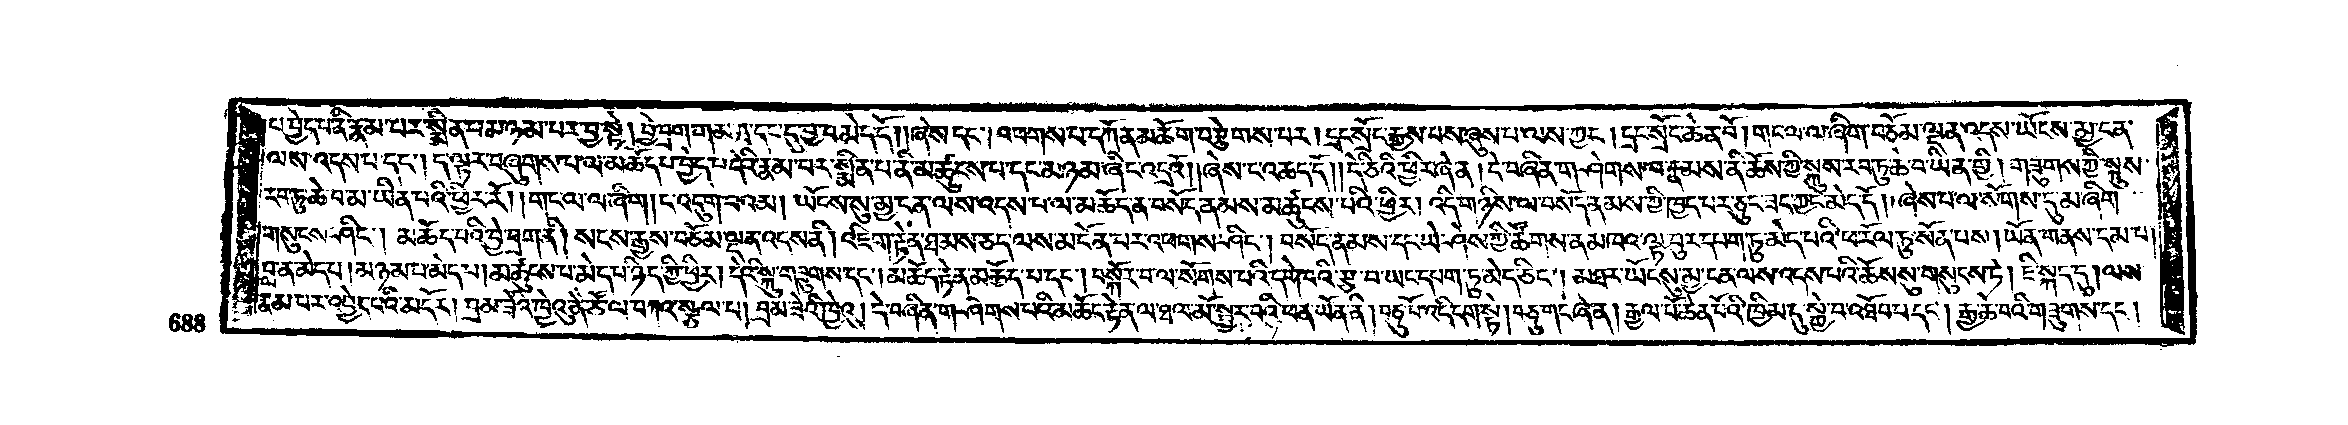པ་བྱེད་པ་ནི་རྣམ་པར་སྨིན་པ་མཉམ་པར་བྱ་སྟེ། བྱེ་བྲག་གམ་ཐ་དང་དུ་བྱ་བ་མེད་དོ། །ཞེས་དང་། འཕགས་པ་དཀོན་མཆོག་བརྩེགས་པར། དྲང་སྲོང་རྒྱས་པས་ཞུས་པ་ལས་ཀྱང་། དྲང་སྲོང་ཆེན་པོ། གང་ལ་ལ་ཞིག་བཅོམ་ལྡན་འདས་ཡོངས་མྱ་ངན་
ལས་འདས་པ་དང་། ད་ལྟར་བཞུགས་པ་ལ་མཆོད་པ་བྱེད་པ་དེའི་རྣམ་པར་སྨིན་པ་ནི་མཚུངས་པ་དང་མཉམ་ཞིང་འདྲའོ། །ཞེས་ང་འཆད་དོ། །དེ་ཅིའི་ཕྱིར་ཞེ་ན། དེ་བཞིན་གཤེགས་པ་རྣམས་ནི་ཆོས་ཀྱི་སྐུས་རབ་ཏུ་ཆེ་བ་ཡིན་གྱི། གཟུགས་ཀྱི་སྐུས་
རབ་ཏུ་ཆེ་བ་མ་ཡིན་པའི་ཕྱིར་རོ། །གང་ལ་ལ་ཞིག །ང་འདུག་པའམ། ཡོངས་སུ་མྱ་ངན་ལས་འདས་པ་ལ་མཆོད་ན་བསོད་ནམས་མཚུངས་པའི་ཕྱིར། འདི་གཉིས་ལ་བསོད་ནམས་ཀྱི་ཁྱད་པར་ཅུང་ཟད་ཀྱང་མེད་དོ། །ཞེས་པ་ལ་སོགས་དུ་མ་ཞིག་
གསུངས་ཤིང་། མཆོད་པའི་བྱེ་བྲག་ནི། སངས་རྒྱས་བཅོམ་ལྡན་འདས་ནི། འཇིག་རྟེན་ཐམས་ཅད་ལས་མངོན་པར་འཕགས་ཤིང་། བསོད་ནམས་དང་ཡེ་ཤེས་ཀྱི་ཚོགས་ནམ་མཁའ་ལྟ་བུར་དཔག་ཏུ་མེད་པའི་ཕ་རོལ་ཏུ་སོན་པས། ཡོན་གནས་དམ་པ།
བླ་ན་མེད་པ། མཉམ་པ་མེད་པ། མཚུངས་པ་མེད་པ་ཉིད་ཀྱི་ཕྱིར། དེའི་སྐུ་གཟུགས་དང་། མཆོད་རྟེན་མཆོད་པ་དང་། བསྐོར་བ་ལ་སོགས་པའི་དགེ་བའི་རྩ་བ་ཡང་དཔག་ཏུ་མེད་ཅིང་། མཐར་ཡོངས་སུ་མྱ་ངན་ལས་འདས་པའི་ཆོས་སུ་གསུངས་ཏེ། ཇི་སྐད་དུ། ལས་
རྣམ་པར་འབྱེད་པའི་མདོར། བྲམ་ཟེའི་ཁྱེའུ་ནི་ཙོལ་བཀའ་སྩལ་པ། བྲམ་ཟེའི་ཁྱེའུ། དེ་བཞིན་གཤེགས་པའི་མཆོད་རྟེན་ལ་ཐལ་མོ་སྦྱར་བའི་ཕན་ཡོན་ནི། བཅུ་པོ་འདི་དག་སྟེ། བཅུ་གང་ཞེ་ན། རྒྱལ་པོ་ཆེན་པོའི་ཁྱིམ་དུ་སྐྱེ་བ་འཐོབ་པ་དང་། རྒྱ་ཆེ་བའི་གཟུགས་དང་།